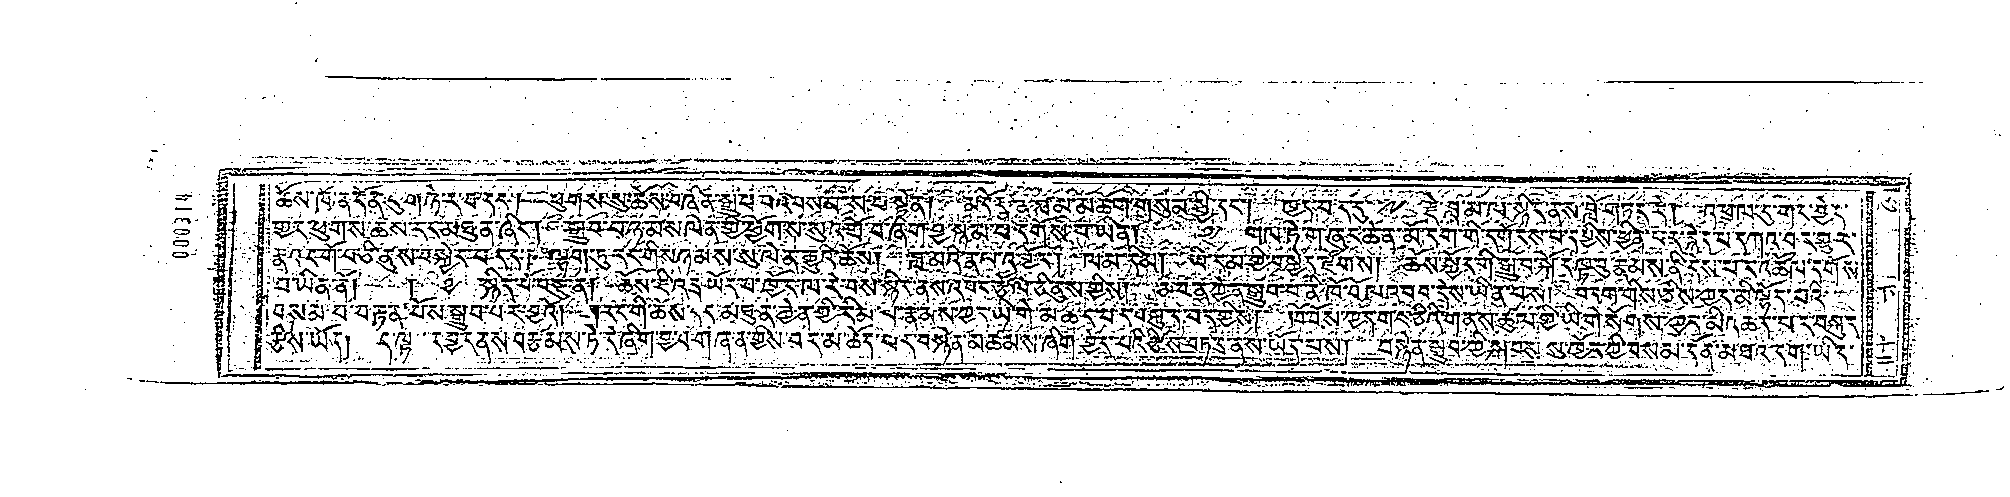ཆོས་ཁོ་ན་དོན་དུ་གཉེར་བ་དང་། ཕུགས་སུ་ཆོས་བཞིན་སྒྲུབ་པའི་བསམས་པ་སྟེན། མདོར་ན་བླ་མ་མཆོག་གསུམ་སྦྱི་དང་། ཁྱད་པར་དུ་༧་རྗེ་བླ་མ་ལ་སྙིང་ནས་བློ་གཏང་དེ། འཕྲལ་དུ་གང་བྱེད་
ཀྱང་ཕུགས་ཆོས་དང་མཐུན་ཞིང་། སྒྲུབ་པ་ཉམས་ལེན་གྱི་ཕྱོགས་སུ་འགྲོ་བ་ཞིག་བྱ་སྙམ་པ་དགོས་པ་ཡིན། ༧་གལ་ཏེ་གཞུང་ཆེན་མོ་དག་གི་དགོངས་པ་དབྱིས་ཕྱིན་པར་རྙེད་པ་དཀའ་བར་གྱུར་
རྣམས་གོ་བ་ཅི་ནུས་བསྐྱེད་པ་དང་། ལྷག་ཏུ་རང་གིས་ཉམས་སུ་ལེན་རྒྱུའི་ཆོས། བླ་མའི་རྣལ་འབྱོར། ལམ་རིམ། ཡི་དམ་གྱི་བསྐྱེད་རྫོགས། ཆོས་སྐྱོང་གི་སྒྲུབ་སྐོར་ལྟ་བུ་རྣམས་ནི་དེས་པར་འཚོལ་དགོས་
པ་ཡིན་ནོ། ། ༧་སྙིང་པོ་བསྡུ་ན། ཆོས་ཇི་འདྲ་ཡོད་པ་ཁྱོད་ལ་རེ་བས་སྙིང་ནས་འབད་རྩོལ་ཅི་ནུས་གྱིས། མཐུན་ཀྱེན་སྒྲུབ་པ་ནི་ཁོ་བོ་ལ་འབབ་དེས་ཡིན་པས། བདག་གིས་ཅིས་ཀྱང་མི་ལྷོད་པའི་
བསམ་པ་བརྟན་པོས་སྒྲུབ་པར་བྱའོ། །རང་གི་ཆོས་དང་མཐུན་རྐྱེན་གྱི་རིམ་པ་རྣམས་ཀྱང་ཡི་གེ་མ་ཆད་པར་བསྐུར་བར་གྱིས། ཁོ་བོས་ཀྱང་གང་ཅིའི་གནས་ཚུལ་གྱི་ཡི་གེ་སོགས་ཀྱང་མི་འཆད་པར་བསྐུར་
རྩིས་ཡོད། ང་ལྟ་དབྱད་ནས་བརྩམས་ཏེ་རེ་ཞིག་བྱ་བ་གཞན་གྱིས་བར་མ་ཆོད་པར་བསྙེན་མཚམས་ཞིག་བྱེད་པའི་རྩིས་བཏང་ནས་ཡོད་པས། བསྙེན་སྒྲུབ་ཀྱི་སྐབས་སུ་ཁྱོད་ཀྱི་བསམ་དོན་མཐའ་དག་ཡིད་